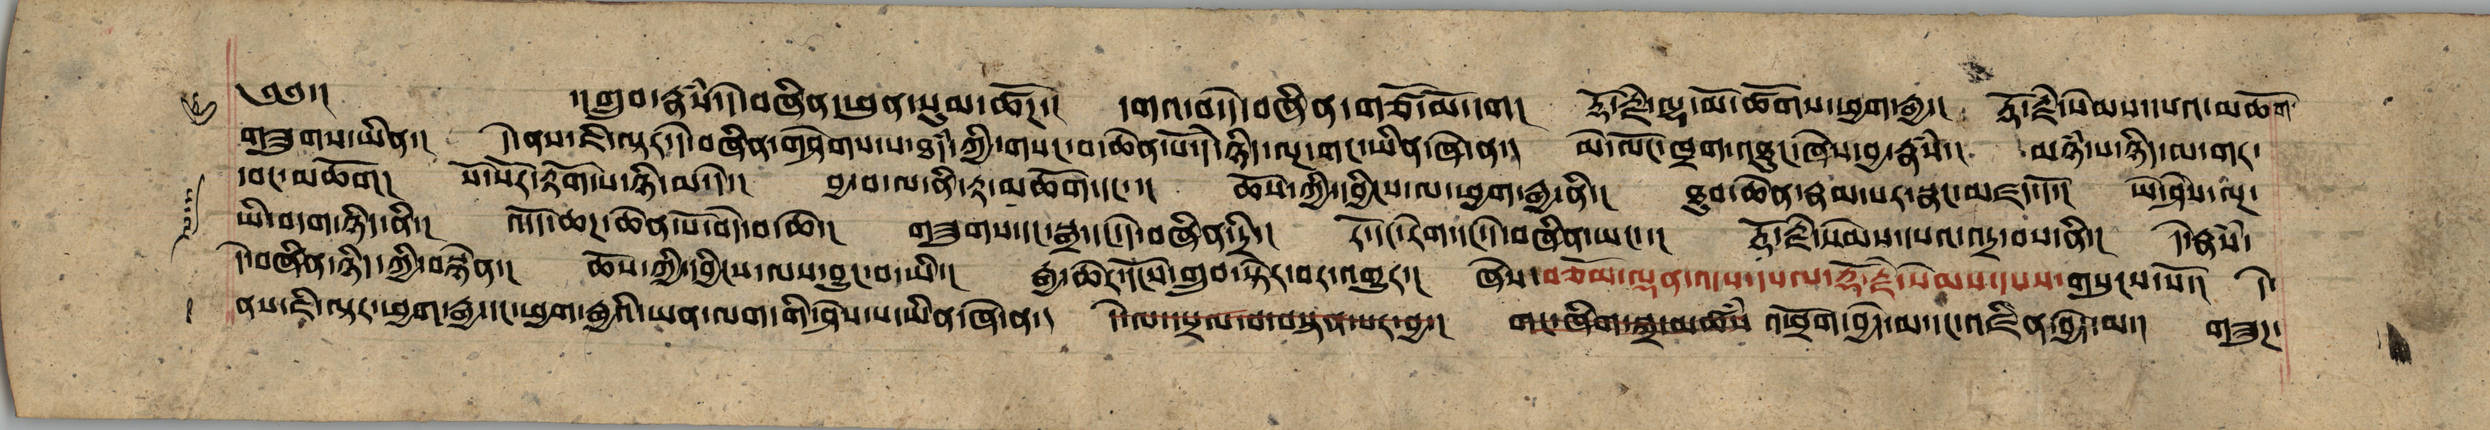༄༅་། ་།གྲུབ་རྣཾས་དེ་བཞིན་ཕུན་སུམ་ཚོཌ་། དགའ་བ་དེ་བཞིན་གཙོ་མོ་དག། རྡོ་རྗེ་ལྷ་མོ་ཚོགས་ཕྱག་རྒྱ་། རྡོ་རྗེ་སེམས་དཔའ་མཆོག
གཟུགས་ཡིན་། དེ་ནས་ཇི་ལྟར་དེ་བཞིན་གཤེགས་པ་ཐདཾ་ཀྱི་གསང་བ་ཆེན་པོ་དེ་ཉིད་ལྔ་གང་ཡིན་ཞེ་ན་། མེ་ལོང་ཁྲག་འཐུང་ཞེས་བྱ་རྣཾས་། མཉཾ་པ་ཉིད་ལ་གར་
དབང་མཆོག། སོ་སོར་རྟོག་པ་་ཉི་མ་དེ་། བྱ་བ་ལ་ནི་རྟ་མཆོག་དང་་། ཆོས་ཀྱི་དབྱིངས་ལ་ཕྱག་རྒྱ་ནི་། ཐུབ་ཆེན་རྣམ་པར་སྣང་མཛད་དོ་། ཡེ་ཤེས་ལྔ་
ཡི་བདག་ཉིད་ནི་། འདོད་ཆཌ་ཆེན་པོ་བདེ་བ་ཆེ་། གཟུགས་དང་སྒྲ་དང་དེ་བཞིན་དྲི་། རོ་དང་རེག་དང་དེ་བཞིན་ཡང་་། རྡོ་རྗེ་སེམས་དཔའ་འདྲ་བས་ནི་། དེ་རྣཾས་
དེ་བཞིན་ཉིད་ཀྱི་བསྙེན་། ཆོས་ཀྱི་དབྱིངས་ལས་བྱུང་བ་ཡི་། རྒྱ་ཆེར་དངོས་གྲུབ་སྟེར་བར་འགྱུར་། ཞེས་བཅོམ་ལྡན་འདས་དཔལ་རྡོ་རྗེ་སེམས་དཔས་གསུངས་སོ་། དེ་
ནས་ཇི་ལྟར་ཕྱག་རྒྱ་དང་ཕྱག་རྒྱའི་ཡན་ལག་གི་ཤེས་པ་ཡིན་ཞེ་ན་། དེ་ལ་དཔྲལ་བ་བསྟན་པར་བྱ་། གང་ཞིག་སྐྲ་མཚཾས་ འཕྲོག་བྱེད་མ་དང་འཛིན་བྱེད་མ་། གཟུཌ་